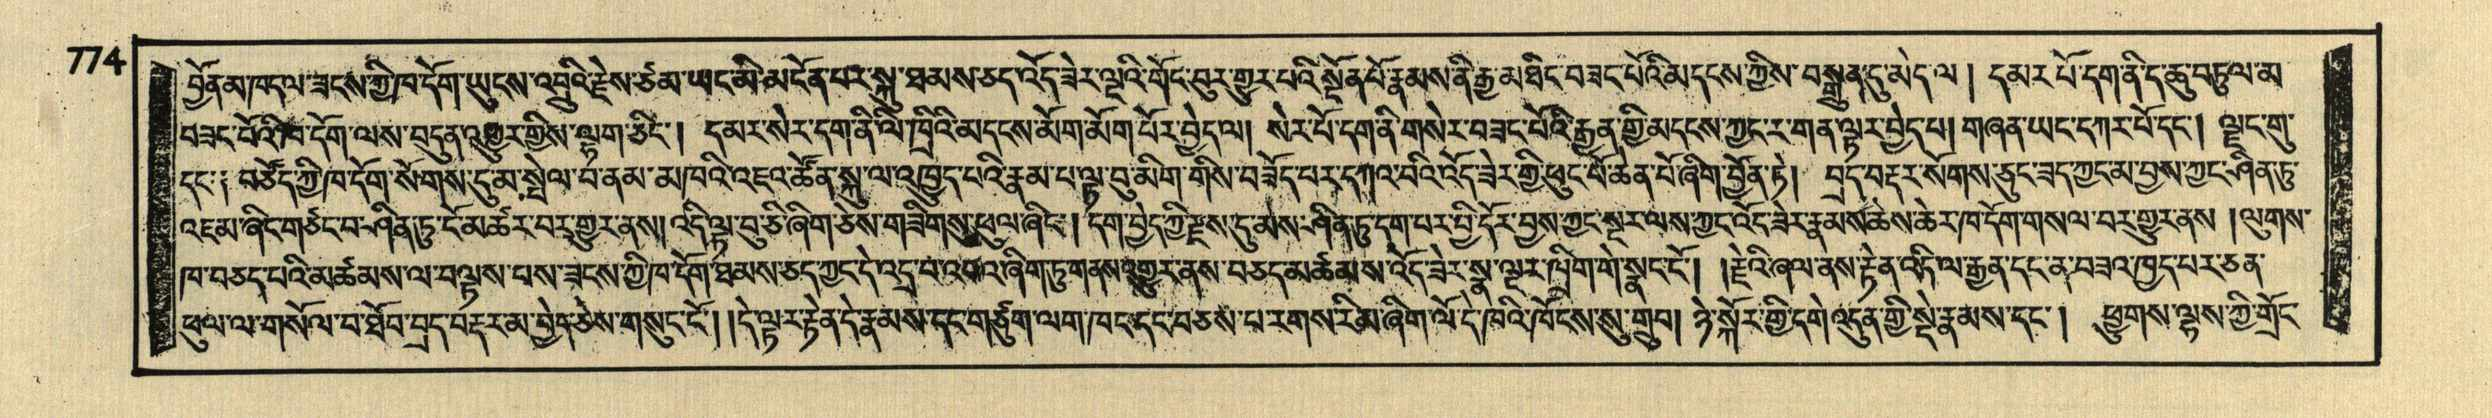བྱོན་མ་ཁད་ལ་ཟངས་ཀྱི་ཁ་དོག་ཡུངས་འབྲུའི་རྗེས་ཙམ་ཡང་མི་མངོན་པར་སྐུ་ཐམས་ཅད་འོད་ཟེར་ལྔའི་གོང་བུར་གྱུར་པའི་སྔོན་པོ་རྣམས་ནི་རྒྱ་མཐིང་བཟང་པོའི་མདངས་ཀྱིས་བསྒྲུན་དུ་མེད་ལ། དམར་པོ་དག་ནི་ད་ཆུ་བཏུལ་མ་
བཟང་པོའི་ཁ་དོག་ལས་བདུན་འགྱུར་གྱི་ལྷག་ཅིང་། དམར་སེར་དག་ནི་ལི་ཁྲིའི་མདངས་མོག་མོག་པོར་བྱེད་ལ། སེར་པོ་དག་ནི་གསེར་བཟང་པོའི་རྒྱན་གྱི་མདངས་ཀྱང་ར་གན་ལྟར་བྱེད་པ། གཞན་ཡང་དཀར་པོ་དང་། ལྗང་གུ་
དང༑ བཙོད་ཀྱི་ཁ་དོག་སོགས་དུ་མ་སྤེལ་བ་ནམ་མཁའི་འཇའ་ཚོན་སྐུ་ལ་འཁྱུད་པའི་རྣམ་པ་ལྟ་བུ་མིག་གིས་བཟོད་པར་དཀའ་བའི་འོད་ཟེར་གྱི་ཕུང་པོ་ཆེན་པོ་ཞིག་བྱོན་ཏེ། བྲད་བརྡར་སོགས་ཅུང་ཟད་ཀྱང་མ་བྱས་ཀྱང་ཤིན་ཏུ་
འཇམ་ཞིང་གཙང་བ་ཤིན་ཏུ་ངོ་མཚར་བར་གྱུར་ནས། འདི་ལྟ་བུ་ཅི་ཞིག་ཅེས་གཟིགས་ཕུལ་ཞིང་། དག་བྱེད་ཀྱི་རྫས་དུ་མས་ཤིན་ཏུ་དག་པར་བྱི་དོར་བྱས་ཀྱང་སྔར་ལས་ཀྱང་འོད་ཟེར་རྣམས་ཆེས་ཆེར་ཁ་དོག་གསལ་བར་གྱུར་ནས་།ལུགས་
ཁ་བཅད་པའི་མཚམས་ལ་བལྟས་པས་ཟངས་ཀྱི་ཁ་དོག་ཐམས་ཅད་ཀྱང་དེ་འདྲ་བ་འབའ་ཞིག་ཏུ་གནས་འགྱུར་ནས་བཅད་མཚམས་འོད་ཟེར་སྣ་ལྔར་ཁྲིག་གེ་སྣང་ངོ། །རྗེའི་ཞལ་ནས་རྟེན་འདི་ལ་རྒྱན་དང་ན་བཟའ་ཁྱད་པར་ཅན་
ཕུལ་ལ་གསོལ་བ་ཐོབ་བྲད་བརྡར་མ་བྱེད་ཅེས་གསུང་ངོ། །དེ་ལྟར་རྟེན་དེ་རྣམས་དང་གཙུག་ལག་ཁང་དང་བཅས་པ་རགས་རིམ་ཞིག་ལོ་དེ་ཁའི་ཁོངས་སུ་གྲུབ། ཉེ་སྐོར་གྱི་དགེ་འདུན་གྱི་སྡེ་རྣམས་དང་། ཕྱུགས་ལྷས་ཀྱི་གྲོང་